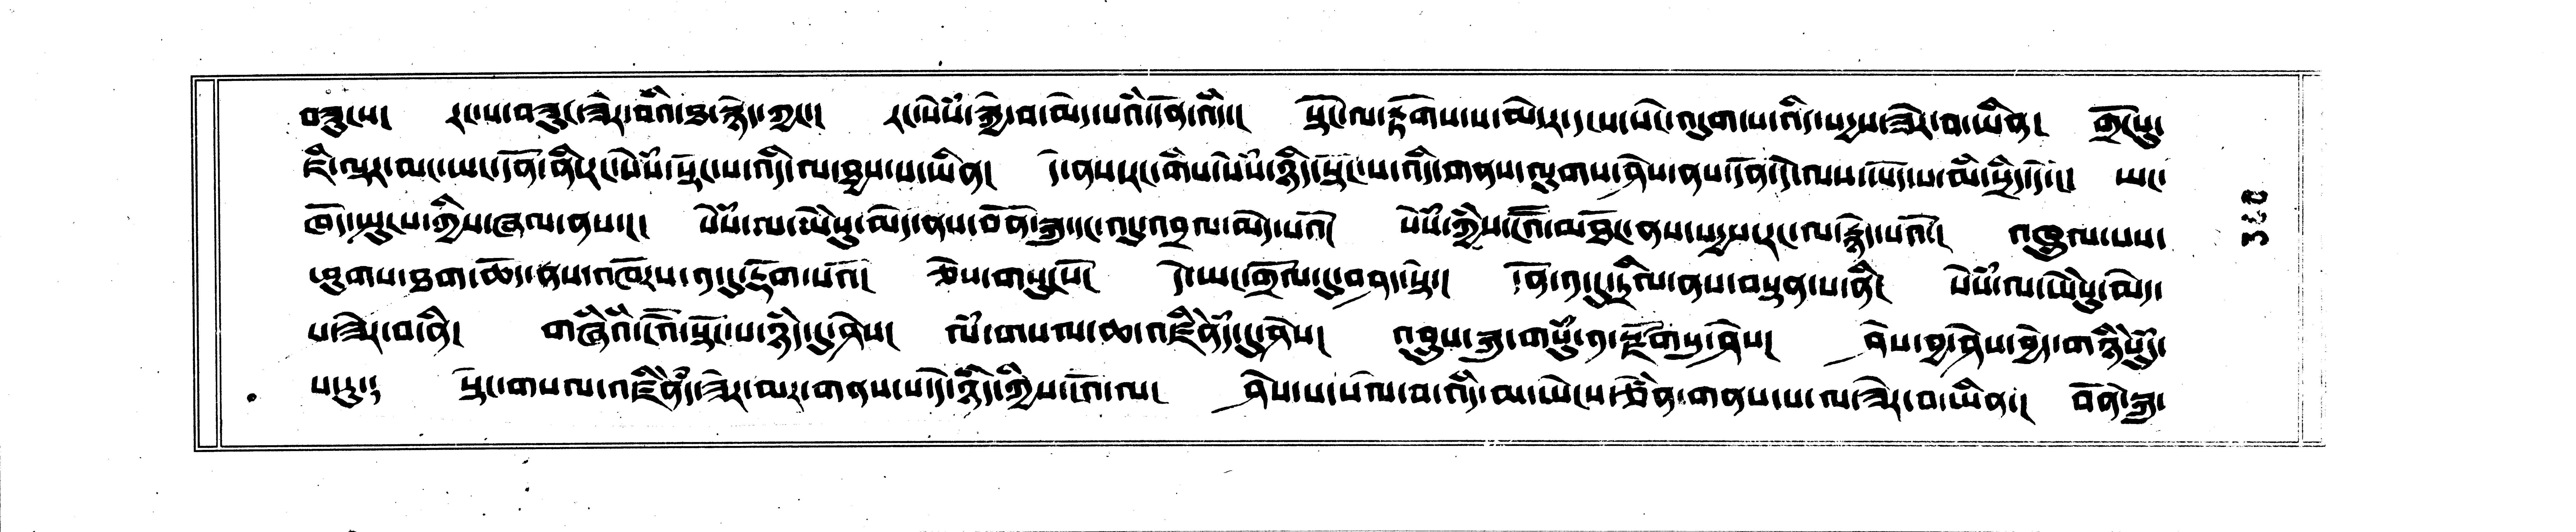ཟུངས། རང་ས་ཟུང་ཟེར་བའི་ཐ་སྙད་དེ་ཀ་ཡིན། རང་སེམས་སྐྱེ་བ་མེད་པའི་དོན་འདི། སྟོང་ལ་རྟོག་པ་མེད་པར་དང་སང་ངེ་འདུག་པ་འདི་ལ་སངས་རྒྱས་ཟེར་བ་ཡིན། གྲངས་སུ་
ཅི་ལྟར་མང་ཡང་དོན་ནི་རང་སེམས་སྟོང་པ་འདི་ལ་ཐུག་པ་ཡིན། དེ་ན་རང་གིས་སེམས་ཉིད་སྟོང་པ། འདིའི་གནས་ལུག་ཤེས་ན་དོན་དེ་ལས་ཡོད་མི་སྲིད་དོ། ཡང་
ཁོད་སྤུངས་ཀྱིས་ཞལ་ནས། སེམས་ལ་ཡེངས་སུ་མེད་ན་བོན་སྐུ་དང་འདུ་བྲལ་མེད་པའོ། སེམས་ཀྱིས་ངོའོ་མཐོང་ན་སངས་རྒྱས་རང་ལ་རྙེད་པའོ། འཁྲུལ་པའི་
ཕུ་ཐག་ཆོད་ན་འཁོར་འདས་དབྱིངས་སུ་རྟོགས་པའོ། ཅེས་གསུངས་སོ། དེ་ཡང་བཀྲོལ་དོན་དུ་བཤད་ན། དོན་གཅིག་དུ་དྲིལ་ནས་བསྟན་པ་ནི། སེམས་ལ་ཡེངས་སུ་མེད་
ན་ཟེར་བ་ཡིན། གཞི་ངོའོ་སྟོང་པ་ཉིད་དུ་ཤེས། ལམ་གསལ་བ་འཛིན་མེད་དུ་ཤེས། འབྲས་བུ་སྐུ་གསུམ་ལྷུན་རྫོགས་སུ་ཤེས། ཤེས་བྱ་ཤེས་བྱེད་གཉིས་སུ་མེད་
པར་རུ་ སྟོང་གསལ་འཛིན་མེད་ཟངས་མར་གནས་པ་དེ་ཉིད་ཀྱིས་ངོའོ་ལ། ཤེས་པ་སལེ་གསལ་བ་འདི་མི་ཡེངས་ཙེན་ནེ་གནས་པ་ལ་ཟེར་བ་ནི། བོན་སྐུ་